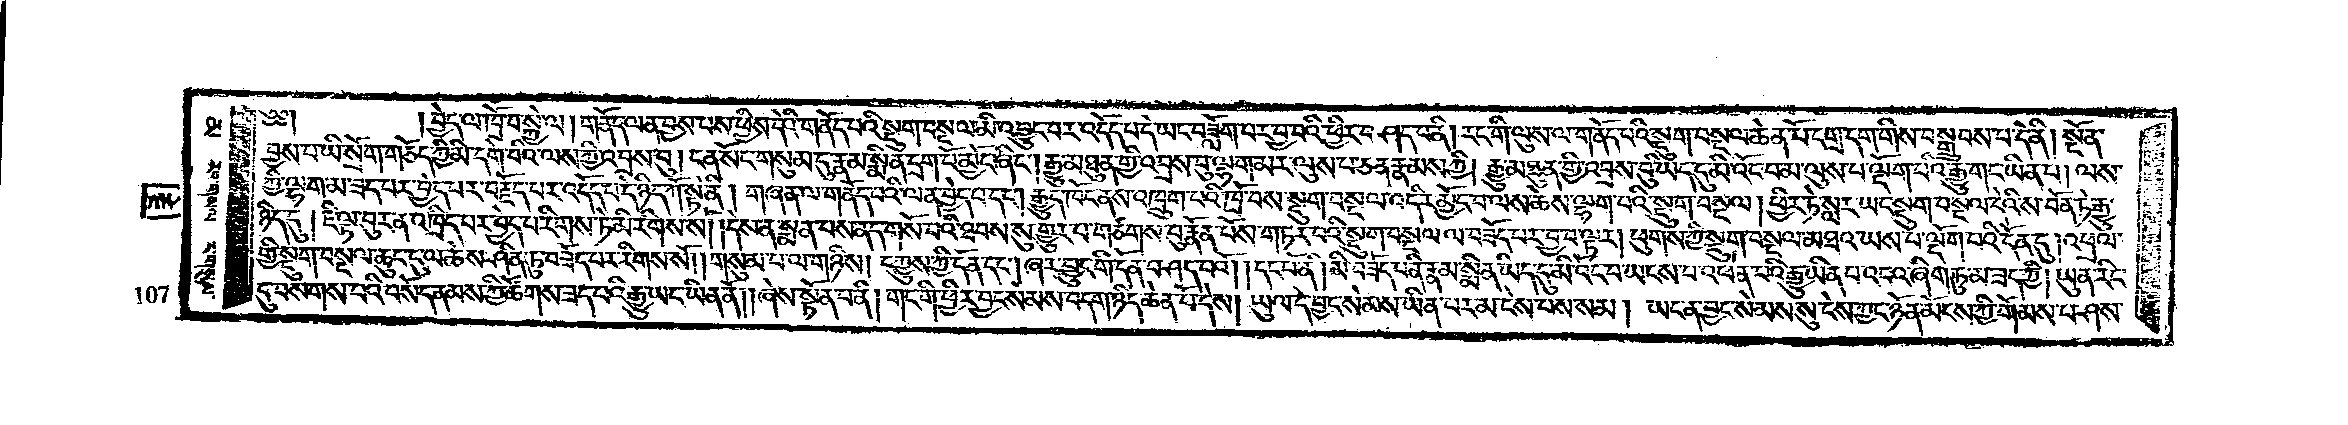༄༅། །བྱེད་ལ་ཁྲོ་བ་སྐྱེ་ལ། གནོད་ལན་བྱས་པས་ཕྱིས་དེའི་གནོད་པའི་སྡུག་བསྔལ་མི་འབྱུང་བར་འདོད་པ་དེ་ཡང་བཟློག་བར་བྱ་བའི་ཕྱིར་བཤད་པ་ནི། རང་གི་ལུས་ལ་གནོད་པའི་སྡུག་བསྔལ་ཆེན་པོ་དགྲ་དག་གིས་བསྒྲུབས་པ་དེ་ནི། སྔོན་
བྱས་པ་ཡི་སྲོག་གཅོད་ཀྱི་མི་དགེ་བའི་ལས་ཀྱི་འབྲས་བུ། ངན་སོང་གསུམ་དུ་རྣམ་སྨིན་དྲག་པོ་མྱོང་ཞིང་། རྒྱུ་མཐུན་གྱི་འབྲས་བུ་ལྷག་མར་ལུས་པ་ཅན་རྣམས་ཀྱི། རྒྱུ་མཐུན་གྱི་འབྲས་བུ་ཡིད་དུ་མི་འོང་བ་མ་ལུས་པ་ལྡོག་པའི་རྒྱུ་གང་ཡིན་པ། ལས་
ཀྱི་ལྷག་མ་ཟད་པར་བྱེད་པར་བརྗོད་པར་འདོད་པ་དེ་ཉིད་ཀོ་སྟེ་ནི། གཞན་ལ་གནོད་པའི་ལན་བྱེད་པ་དང་། རྒྱུད་ཁོང་ནས་འཁྲུག་པའི་ཁྲོ་བས་སྡུག་བསྔལ་འདིར་མྱོང་བ་ལས་ཆེས་ལྷག་པའི་སྡུག་བསྔལ། ཕྱིར་ཏེ་སླར་ཡང་སྡུག་བསྔལ་དེའི་ས་བོན་ཏེ་རྒྱུ་
ཉིད་དུ། ཇི་ལྟ་བུར་ན་འཁྲིད་པར་བྱེད་པ་རིགས་ཏེ་མེ་རིགས་སོ། །དེས་ན་སྨན་པས་ནད་གསོ་བའི་ཐབས་སུ་གྱུར་པ་གཙགས་བུ་རྣོན་པོས་གཏར་བའི་སྡུག་བསྔལ་ལ་བཟོད་པར་བྱ་བ་ལྟར། ཕུགས་ཀྱི་སྡུག་བསྔལ་མཐའ་ཡས་པ་ལྡོག་པའི་དོན་དུ། འཕྲལ་
གྱི་སྡུག་བསྔལ་ཆུང་ངུ་ལ་ཆེས་ཤིན་ཏུ་བཟོད་པར་རིགས་སོ། །གསུམ་པ་ལ་གཉིས། དཀྱུས་ཀྱི་དོན་དང་། ཞར་བྱུང་གི་དོན་བཤད་པའོ། །དང་པོ་ནི། མི་བཟོད་པ་ནི་རྣམ་སྨིན་ཡིད་དུ་མི་འོང་བ་ཡངས་པ་འཕེན་པའི་རྒྱུ་ཡིན་པ་འབའ་ཞིག་ཏུ་མ་ཟད་ཀྱི། ཡུན་རིང་
དུ་བསགས་པའི་བསོད་ནམས་ཀྱི་ཚོགས་ཟད་པའི་རྒྱུ་ཡང་ཡིན་ནོ། །ཞེས་སྟོན་པ་ནི། གང་གི་ཕྱིར་བྱང་སེམས་བདག་ཉིད་ཆེན་པོ་དེས། ཡུལ་དེ་བྱང་སེམས་ཡིན་པར་མ་ངེས་པས་སམ། ཡང་ན་བྱང་སེམས་སུ་ངེས་ཀྱང་ཉོན་མོངས་ཀྱི་གོམས་པ་ཤས་